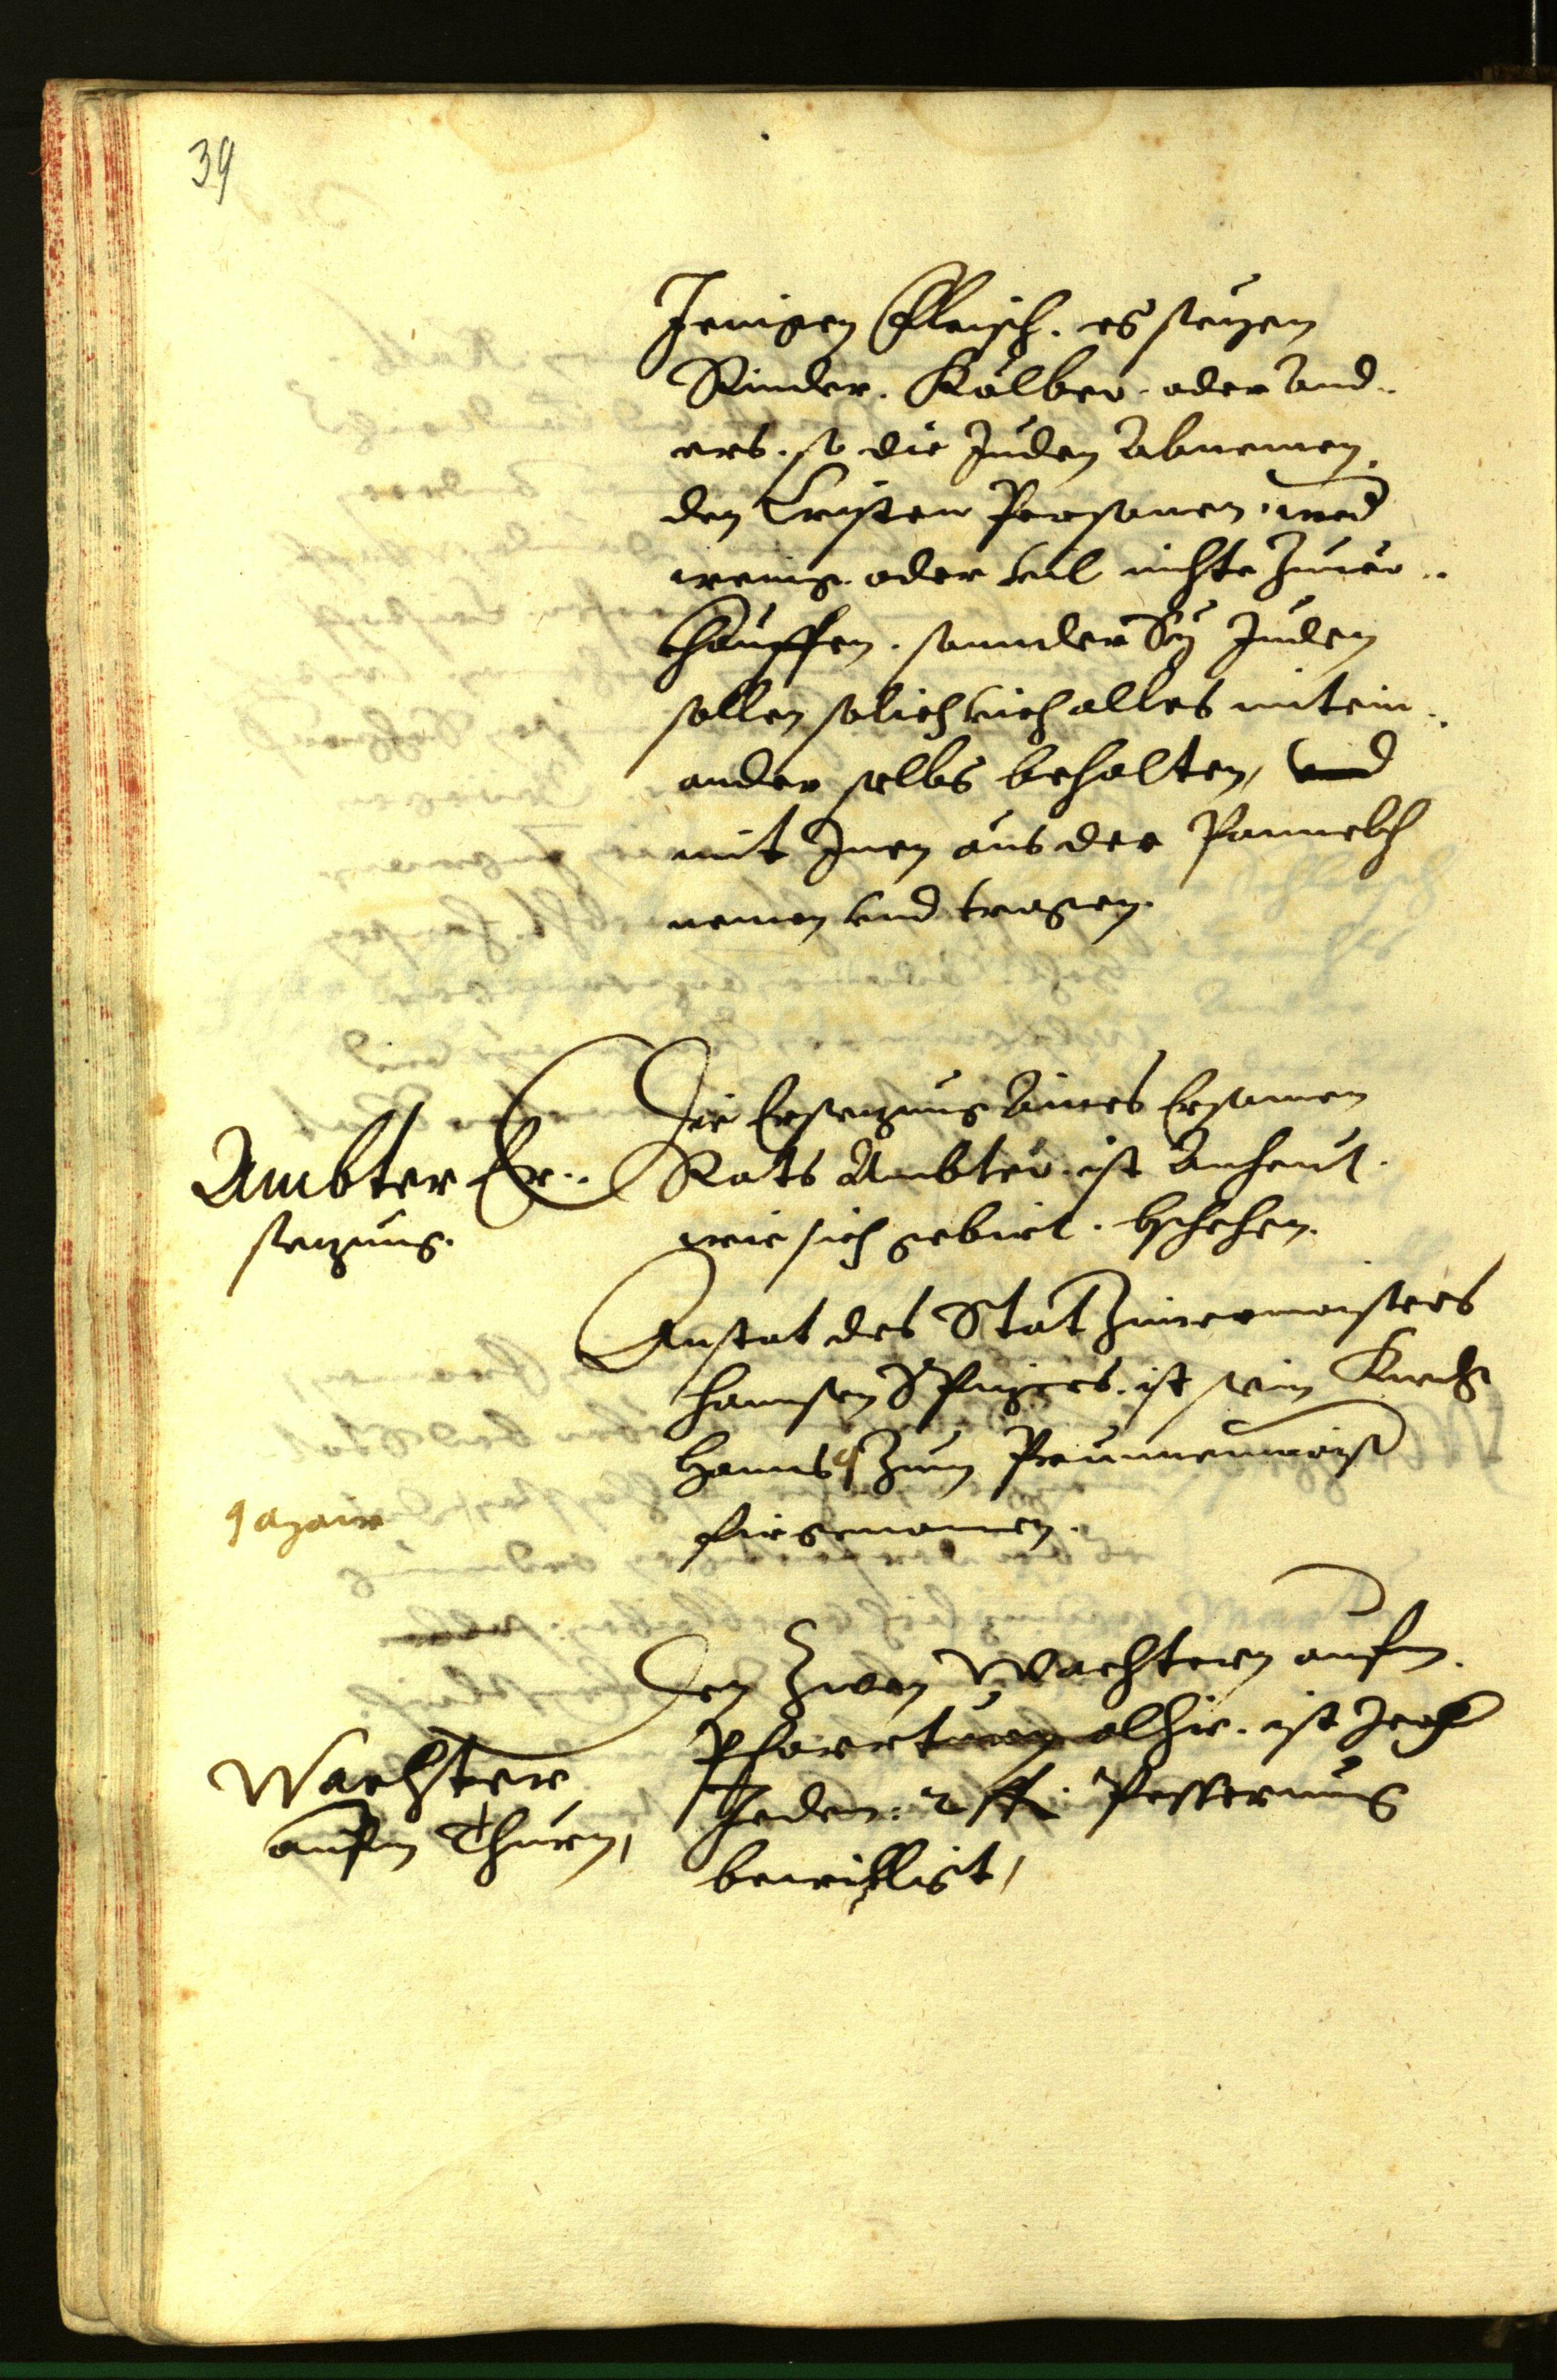39
Jenigen Fleisch. es seȳen
Rinder. Kälber. oder And¬
ers. so die Jūden Abnemen.
den Cristen Personen. wed
wenig oder vil nichte Zūūer¬
khaūffen. sonnder Sȳ Jūden
sollen solich Vieh alles mitein¬
ander selbs behalten, vnd
mit Inen aūs der Pannckh
nehmen vnd tragen.
Die Ersezūng Aines Ersamen
Rats Ambter. ist Anheūt.
wie sich gebirt. beschehen.
Anstat des Stat Zinsmaisters
hannsen Spitzers. ist sein Knecht
Hanns Zūm Prūnnenmaist
firgenomen.
Ambter Er¬
sezūng.
Den Zwen Wachtern aūfm.
Pfarrtūrm alhie. ist Jerl
Jedem: 2 fl. Pesserūng
bewilligt,
Wachter
aūfm Thūrn,